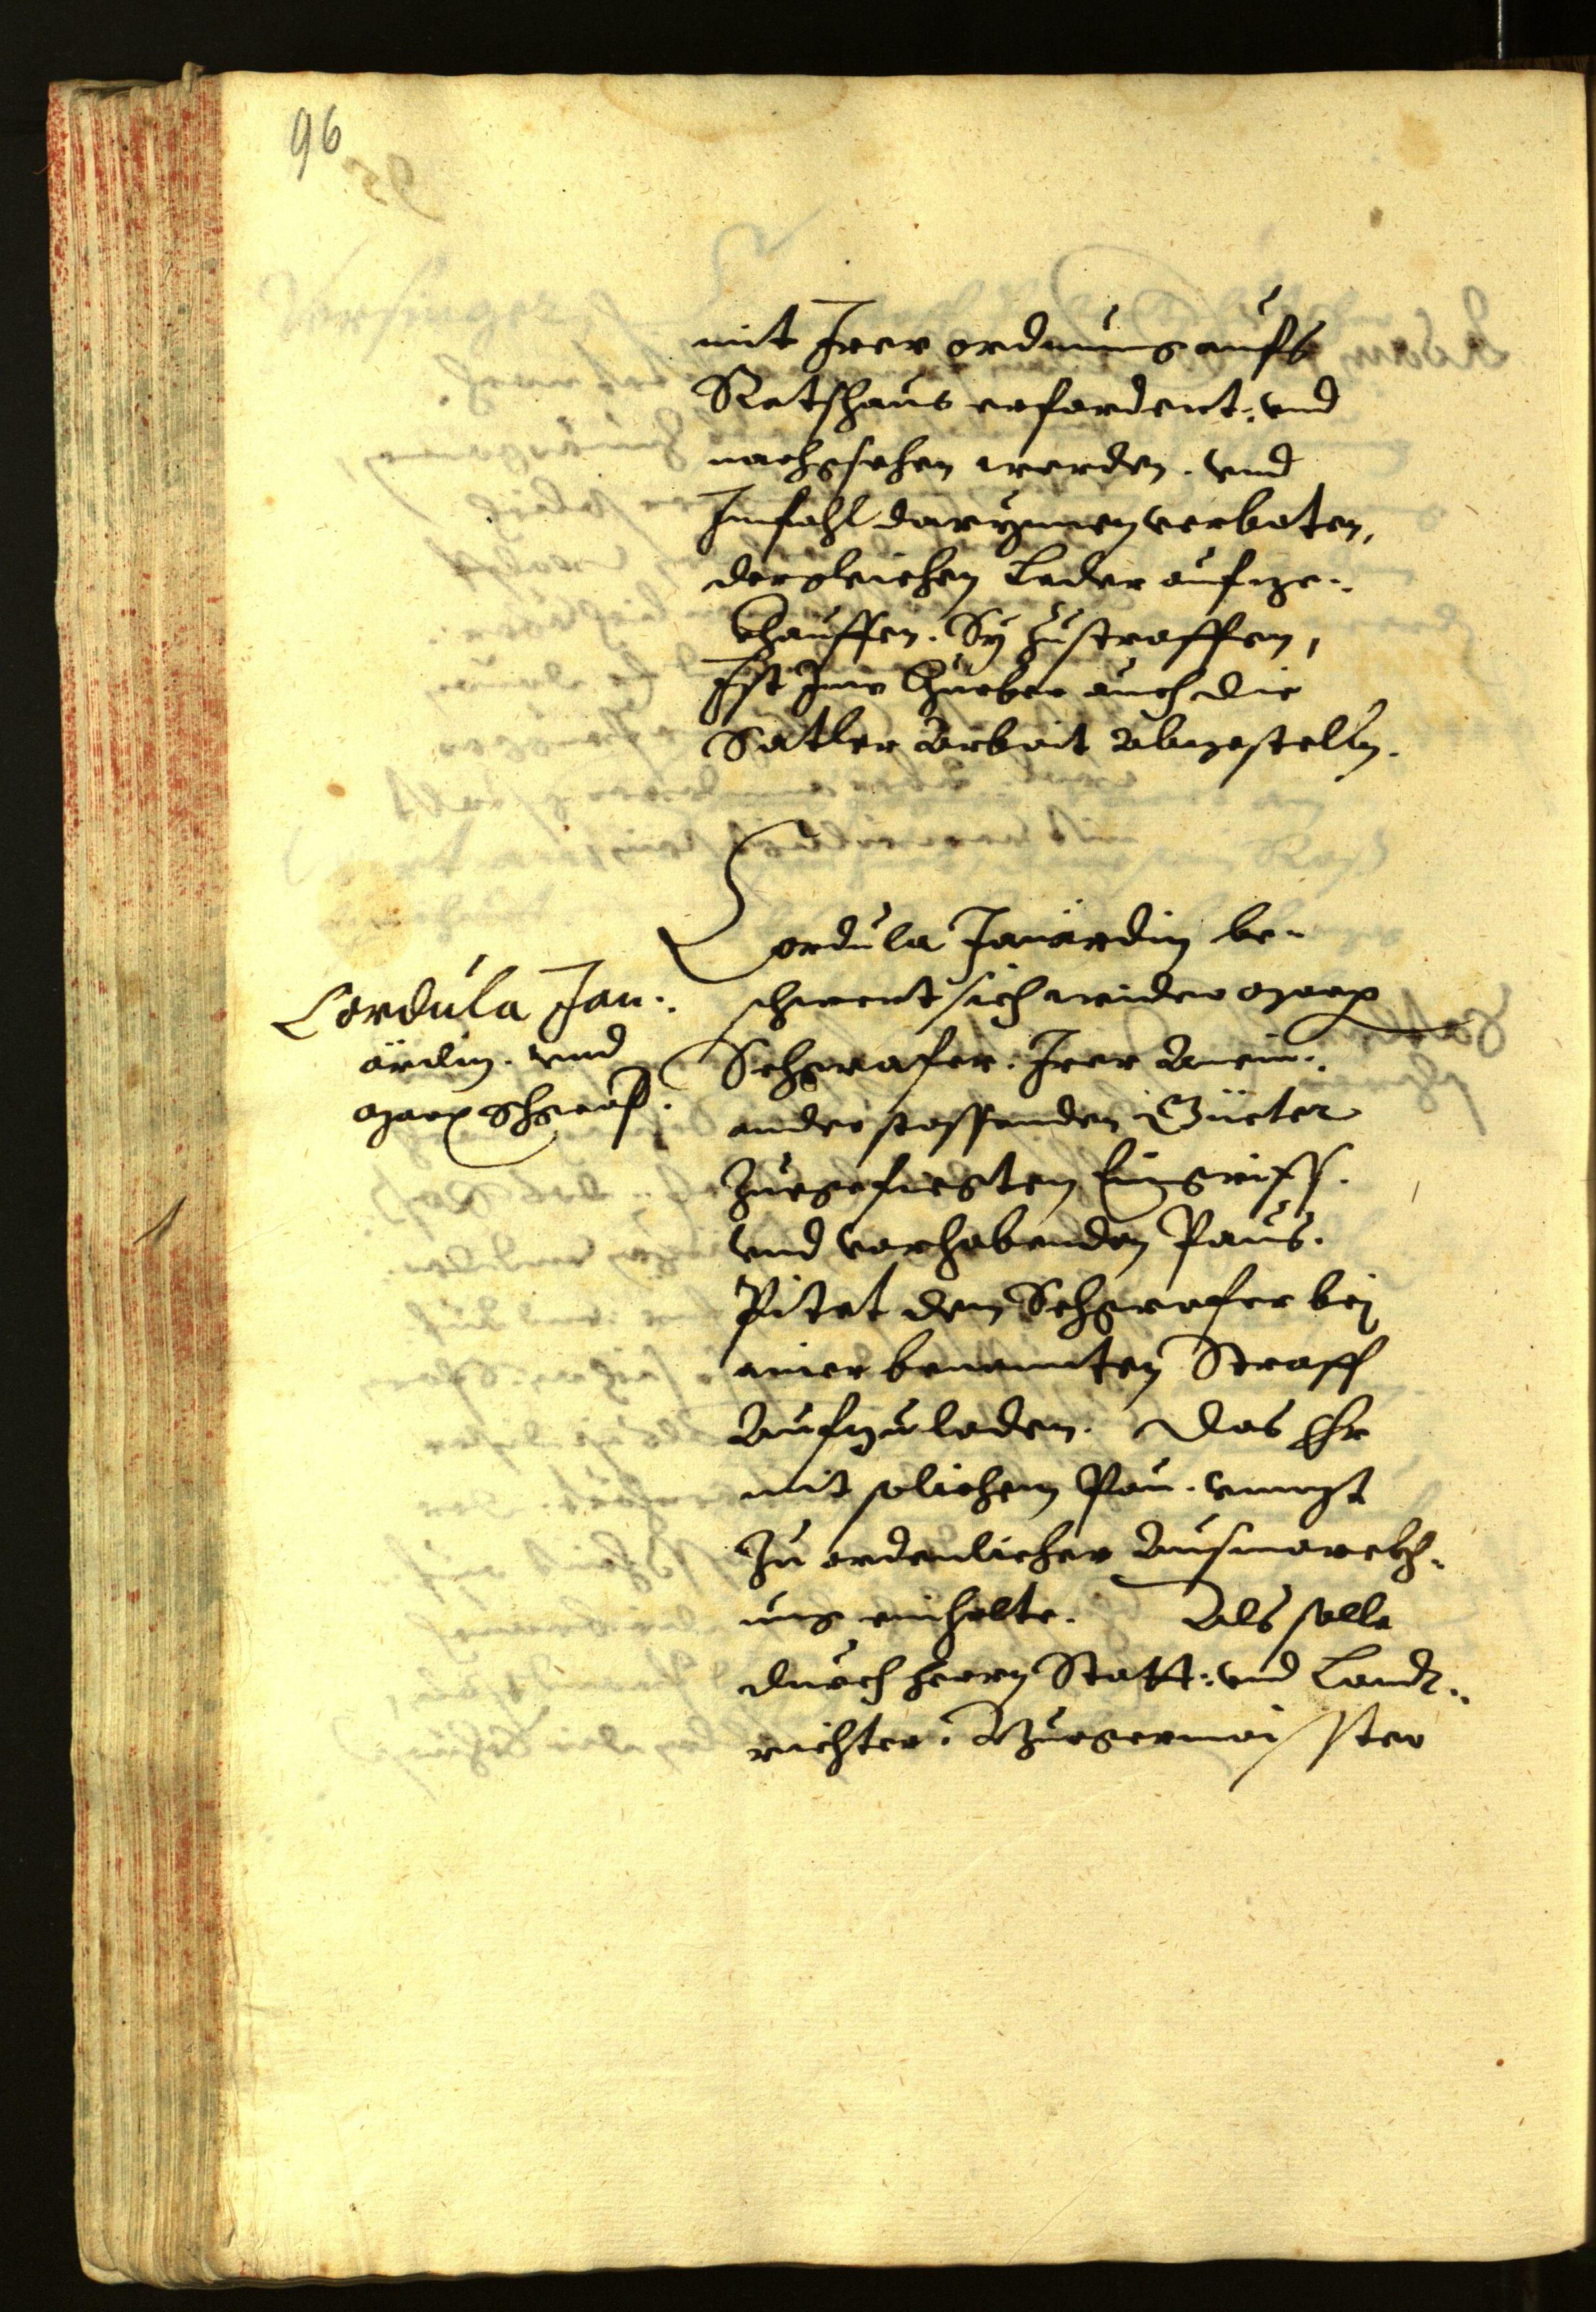96
mit Irer ordnūng aūfs
Ratshaūs erfordert: vnd
nachgsehen werden. vnd
Imfahl darȳnnen verboten
dergleichen Leder aūfze¬
khaūffen. Sȳ Zū straffen,
Ist Ime Hūeber aūch die
Satler Arbait Abzestelln.
Cordūla Janärdin be¬
schwert sich wider Marx
Schgrafer. Irer Anein¬
ander stossende Güeter
Zūegefiegten Eingrifs.
vnd vorhabenden Paūs.
Pitet dem Schgrafer bej
ainer benannten Straff
Aūfzūladen. Das Er
mit solichen Paū. vnnzt
Zū ordenlicher Aūsmarckh¬
ūng einhalte. Als solle
dūrch herrn Statt: vnd Landt¬
richter. Būrgermaisster
Cordūla Jan¬
ärdin. vnd
Marx Schgraf.